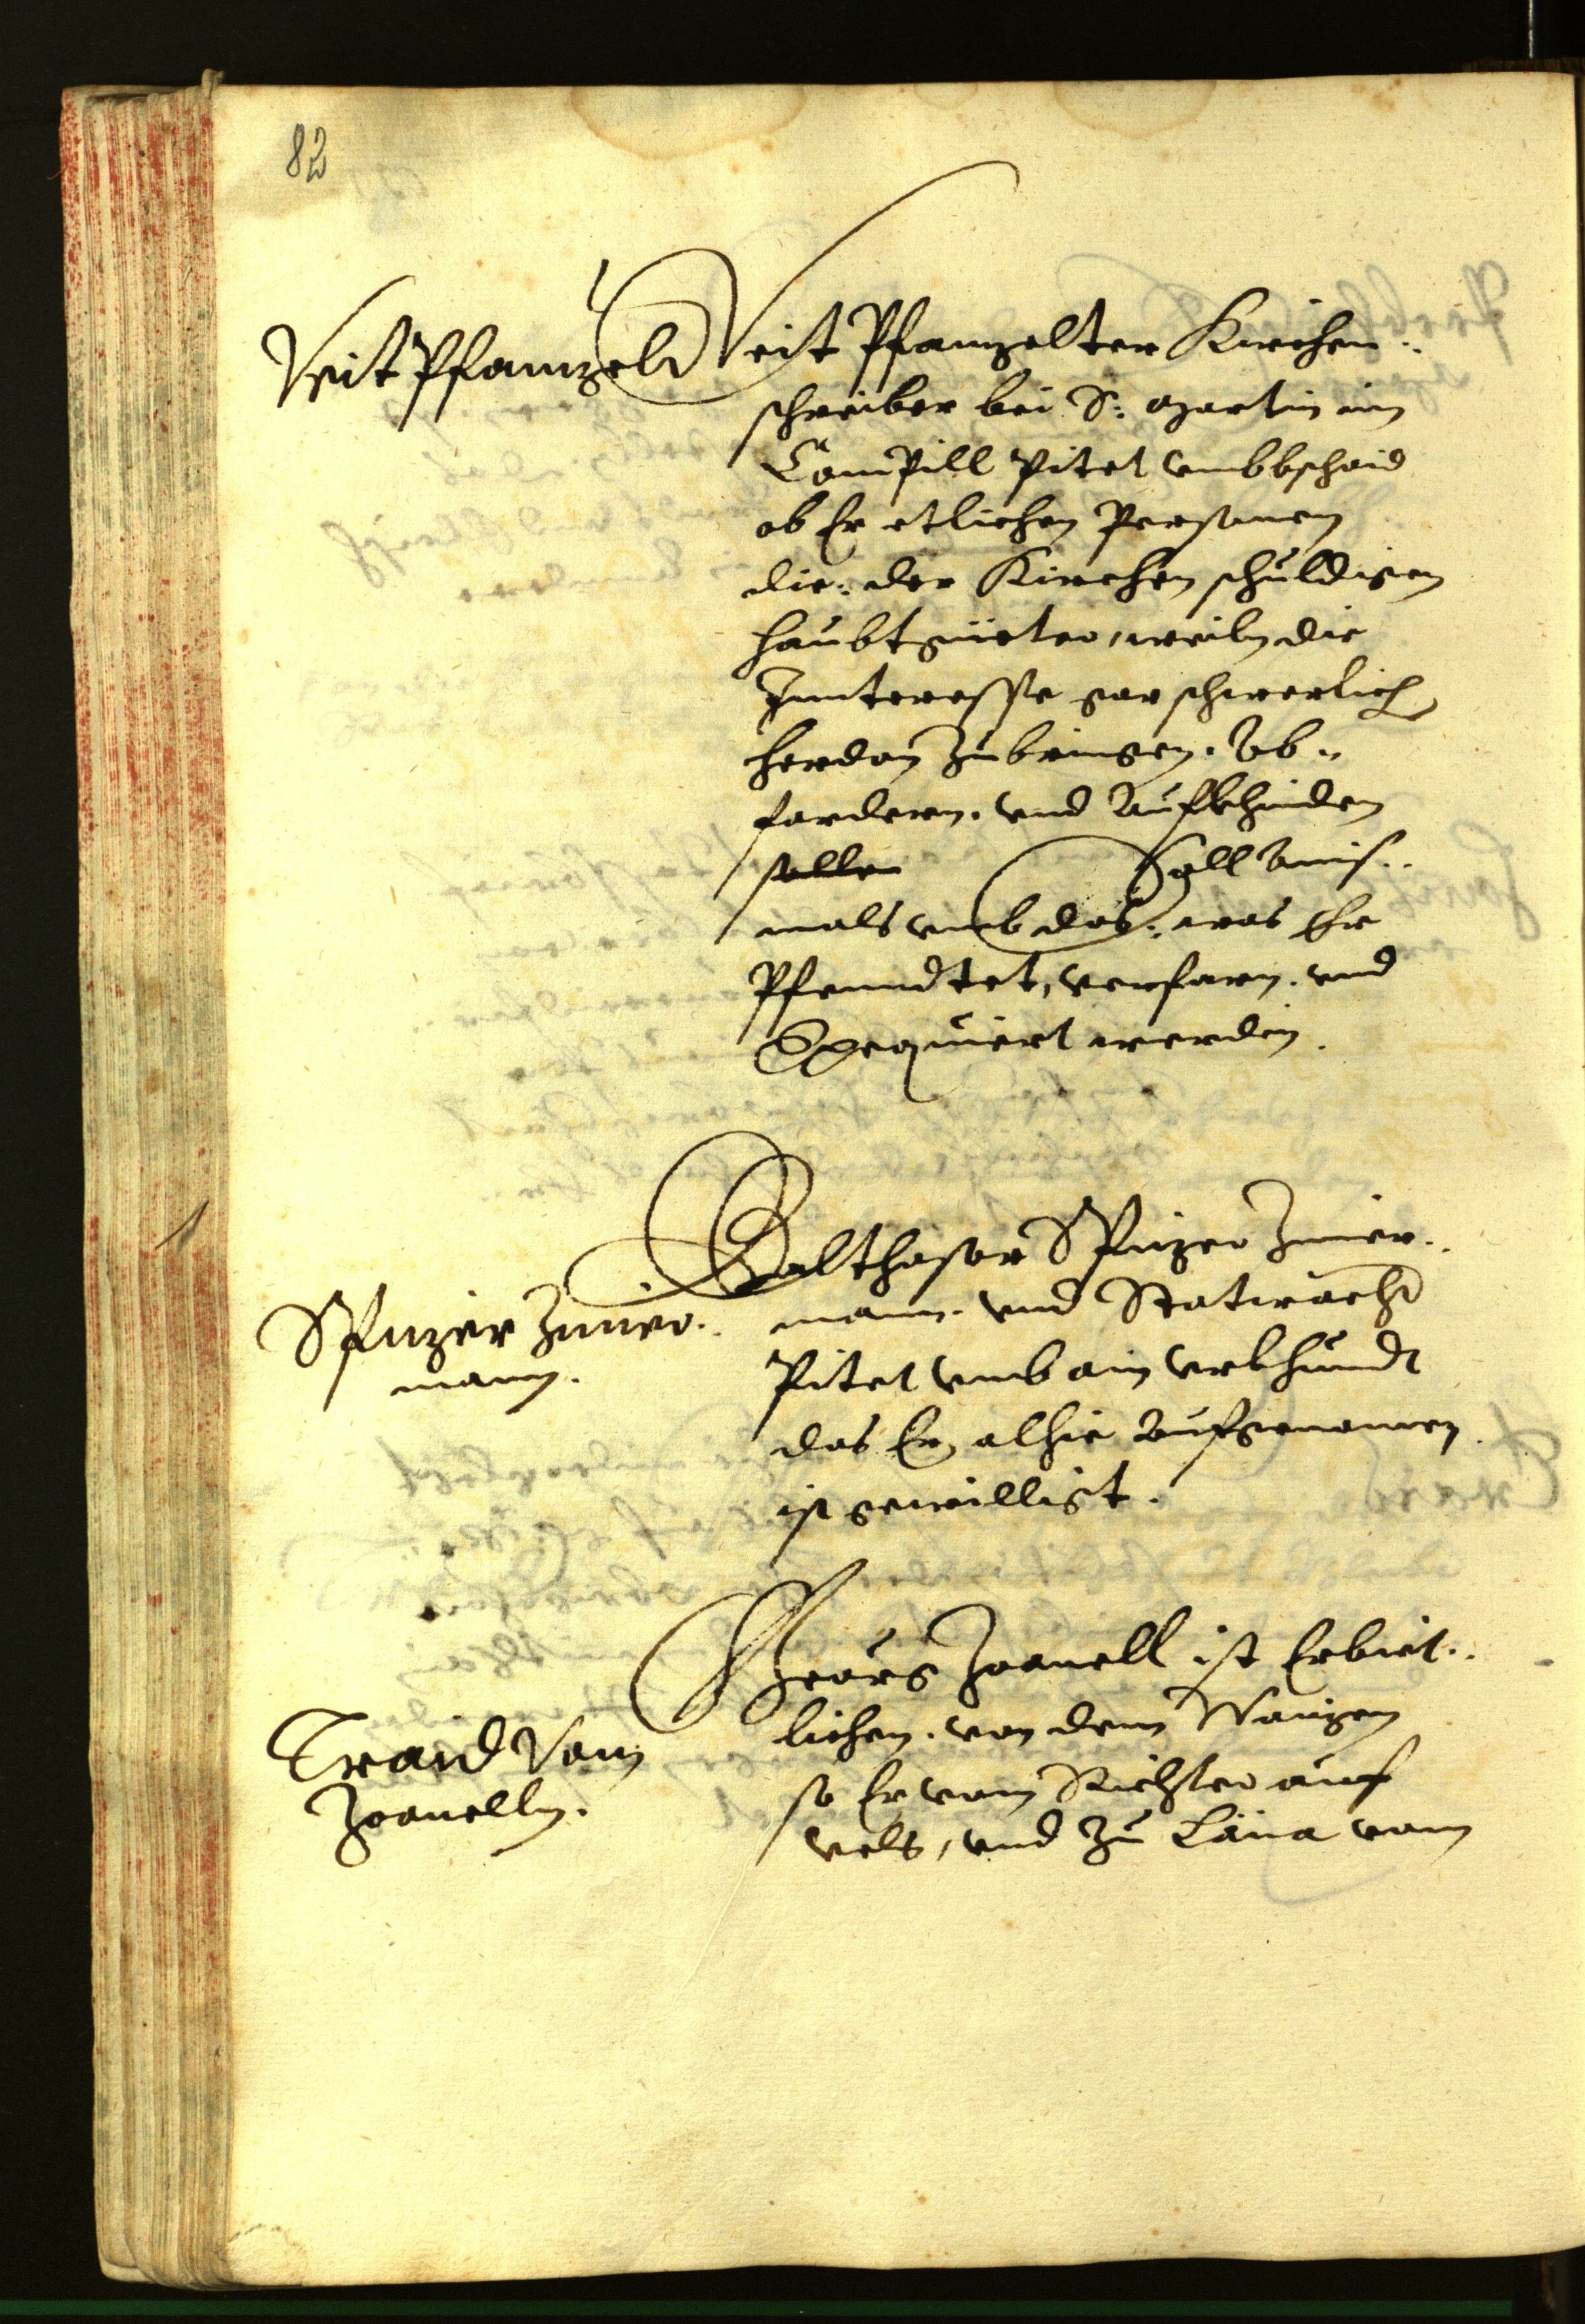82
Veit Pfanzelter Kirchen¬
schreiber bei S: Martin im
CamPill Pitet vmb bschaid
ob Er etlichen Personen
die: der Kirchen schūldigen
haūbtgūeter, weiln die
Innteresse gar schwerlich
herdan Zū bringen. Ab¬
fordern. vnd Aūfkhinden
sollen Soll Ains¬
mals vmb das: was Er
Pfenndtet, verfarn. vnd
Exeqūiert werden.
Veit Pfanzelt
Balthasar Spizer Zimer¬
mann. vnd Statwacht
Pitet vmb ain vrkhūndt
das Er alhie Aūfgenomen.
ist gewilligt.
SPizer Zimer¬
mann.
Geōrg Zoanelln ist Erbiet¬
lichen. von dem Waizen
so Er vom Richter aūf
vels, vnd Zū Läna vom
Traid Vom
Zoanelln.